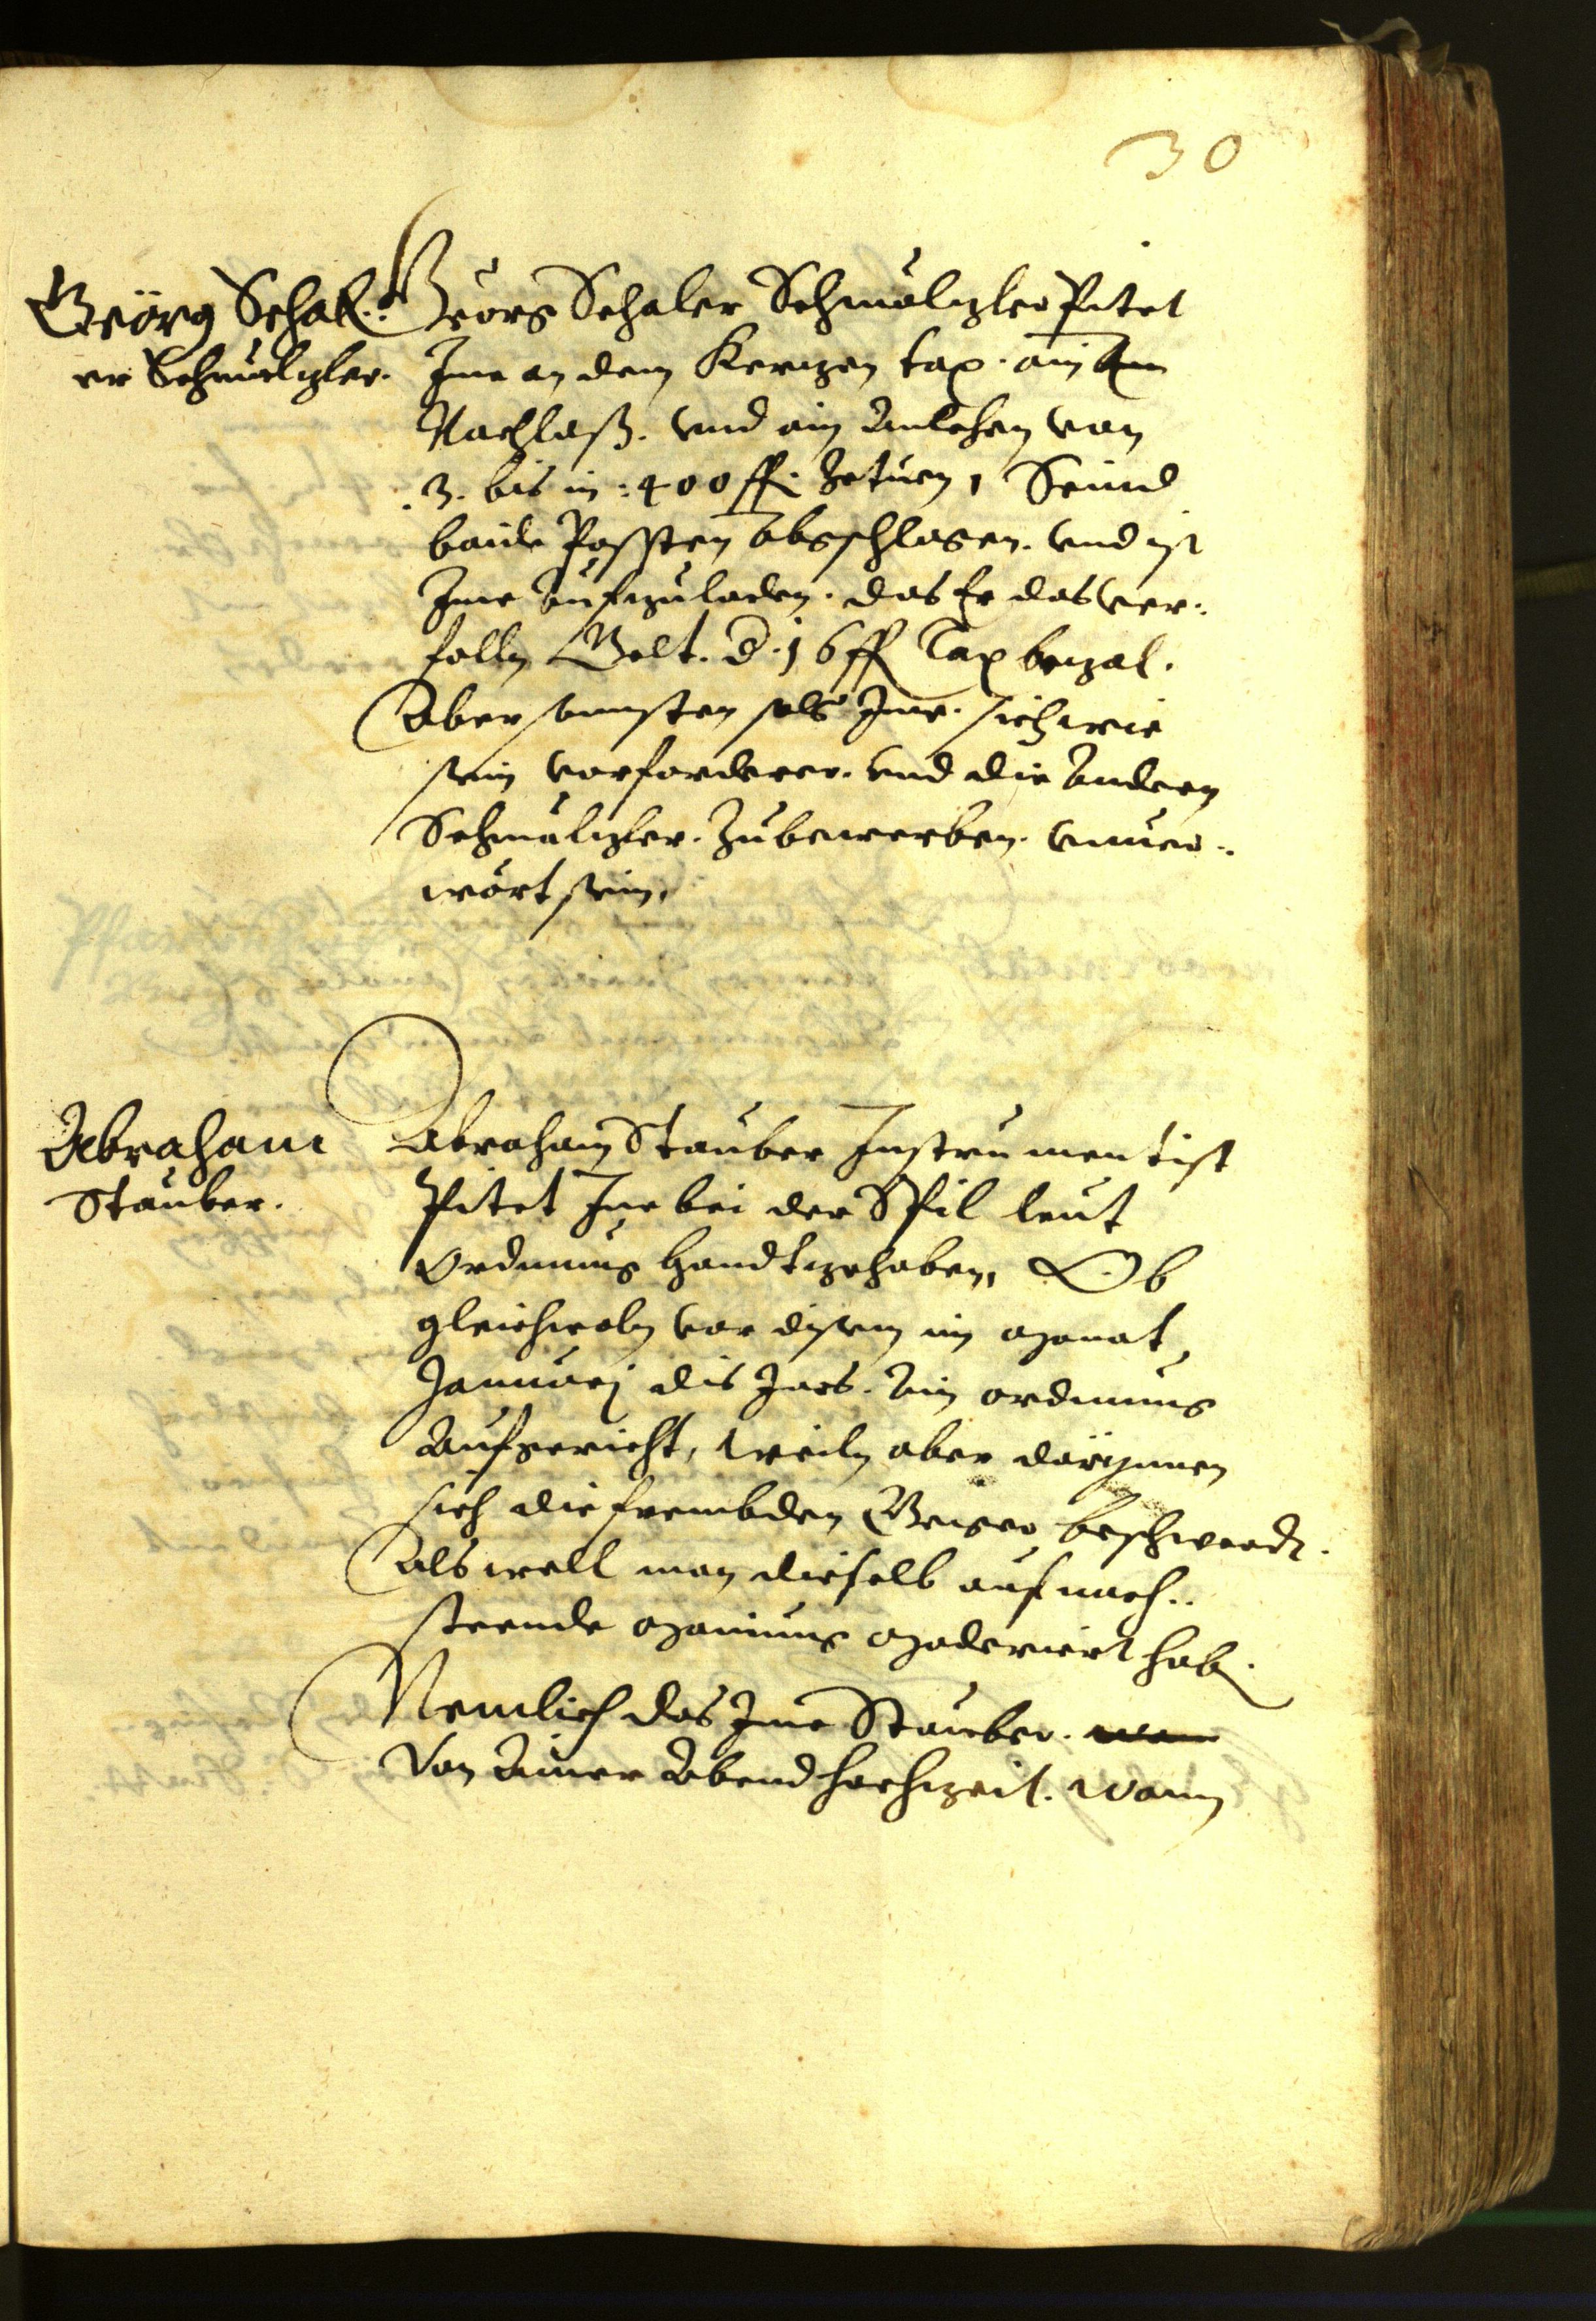30
Georg Schaler Schmōlzler Pitet
Ime an dem Kerzen tax. ainem
Nachlaß. vnd ain Anlehen von
.3. bis in: 400 fl. Zetūen, Seind
baide Possten Abgschlagen. vnd ist
Ime Aūfzūladen. das Er das ver¬
falln Gelt. d 16 fl Tax bezal.
Aber sonsten sols Ime. sich wie
sein vorforderer. vnd die Andern
Schmōlzler. Zū bewerben. vnvūer¬
wort sein.
Geörg Schal¬
er Schmōelzler.
Abraham Staūber Instrūmentist
Pitet Ine bei der SPil leūt
Ordnūng Handtzehaben, Ob
gleichwoln vor diesem im Monat
Janūarj dis Jars, Ain Ordnūng
Aūfgericht, weiln aber darÿnnen
sich die frembden Geiger beschwerdt.
Als well man dieselb aūf nach¬
steende Mainūng Moderiert hab.
Nemlich das Ime Staūber man
Von Ainer Abendhochzeit. wann
Abraham
Staūber.